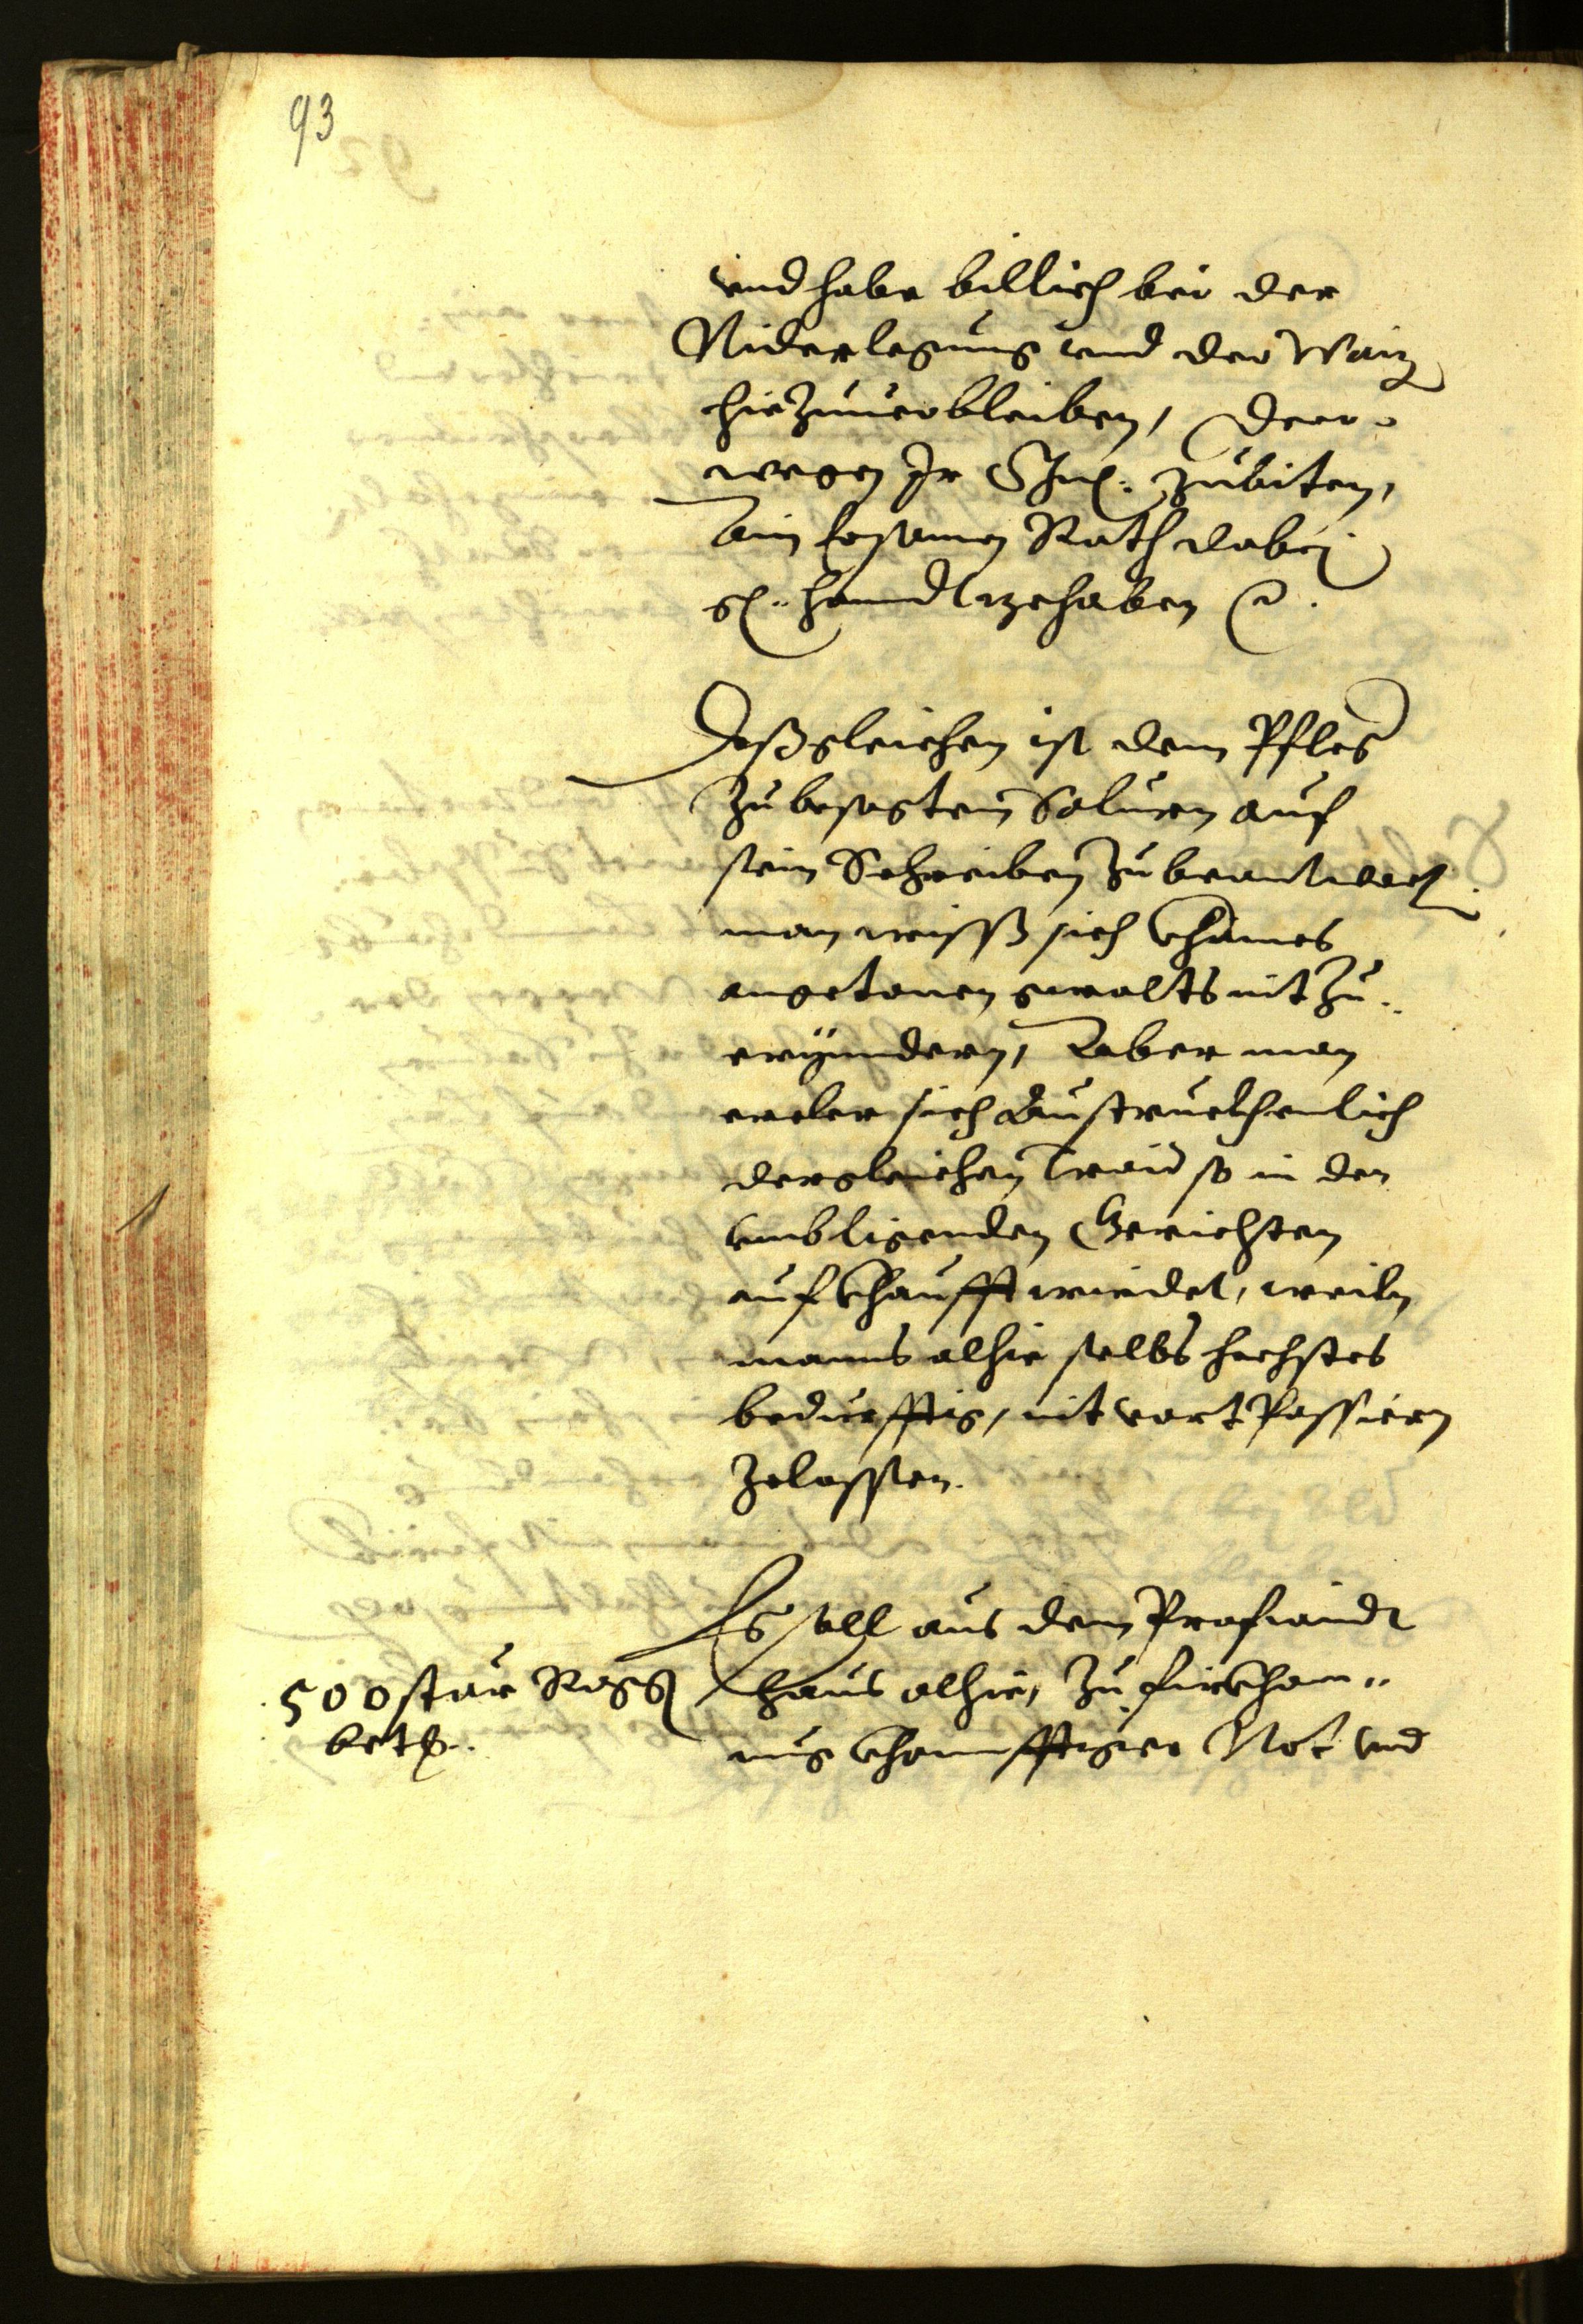93
vnd habe billich bei der
Niderlegūng vnd der Waizen
hie Zūūerbleiben, dero¬
wegen Ir Gn: zūbiten,
Ain Ersamen Rath dabej
g: hanndtzehaben etc.
Deßgleichen ist dem Pfleg
Zū besagtem Salūrn aūf
sein schreiben Zū beantwort.
man wisß sich khaines
angetanen gewalts nit Zū¬
erÿnndern, Aber man
ercler sich Aūstrūckhenlich
dergleichen Traid so in der
vmbligenden Gerichten
aūfkhaūfft wirdet, weiln
manns alhie selbs hechstes
bedūrfftig, nit vortPassiern
Zelassen.
Es soll aūs dem Profiandt
haūs alhie, Zū firkhom¬
ūng khonnfftiger Not vnd
500 stār Rogg
bet: